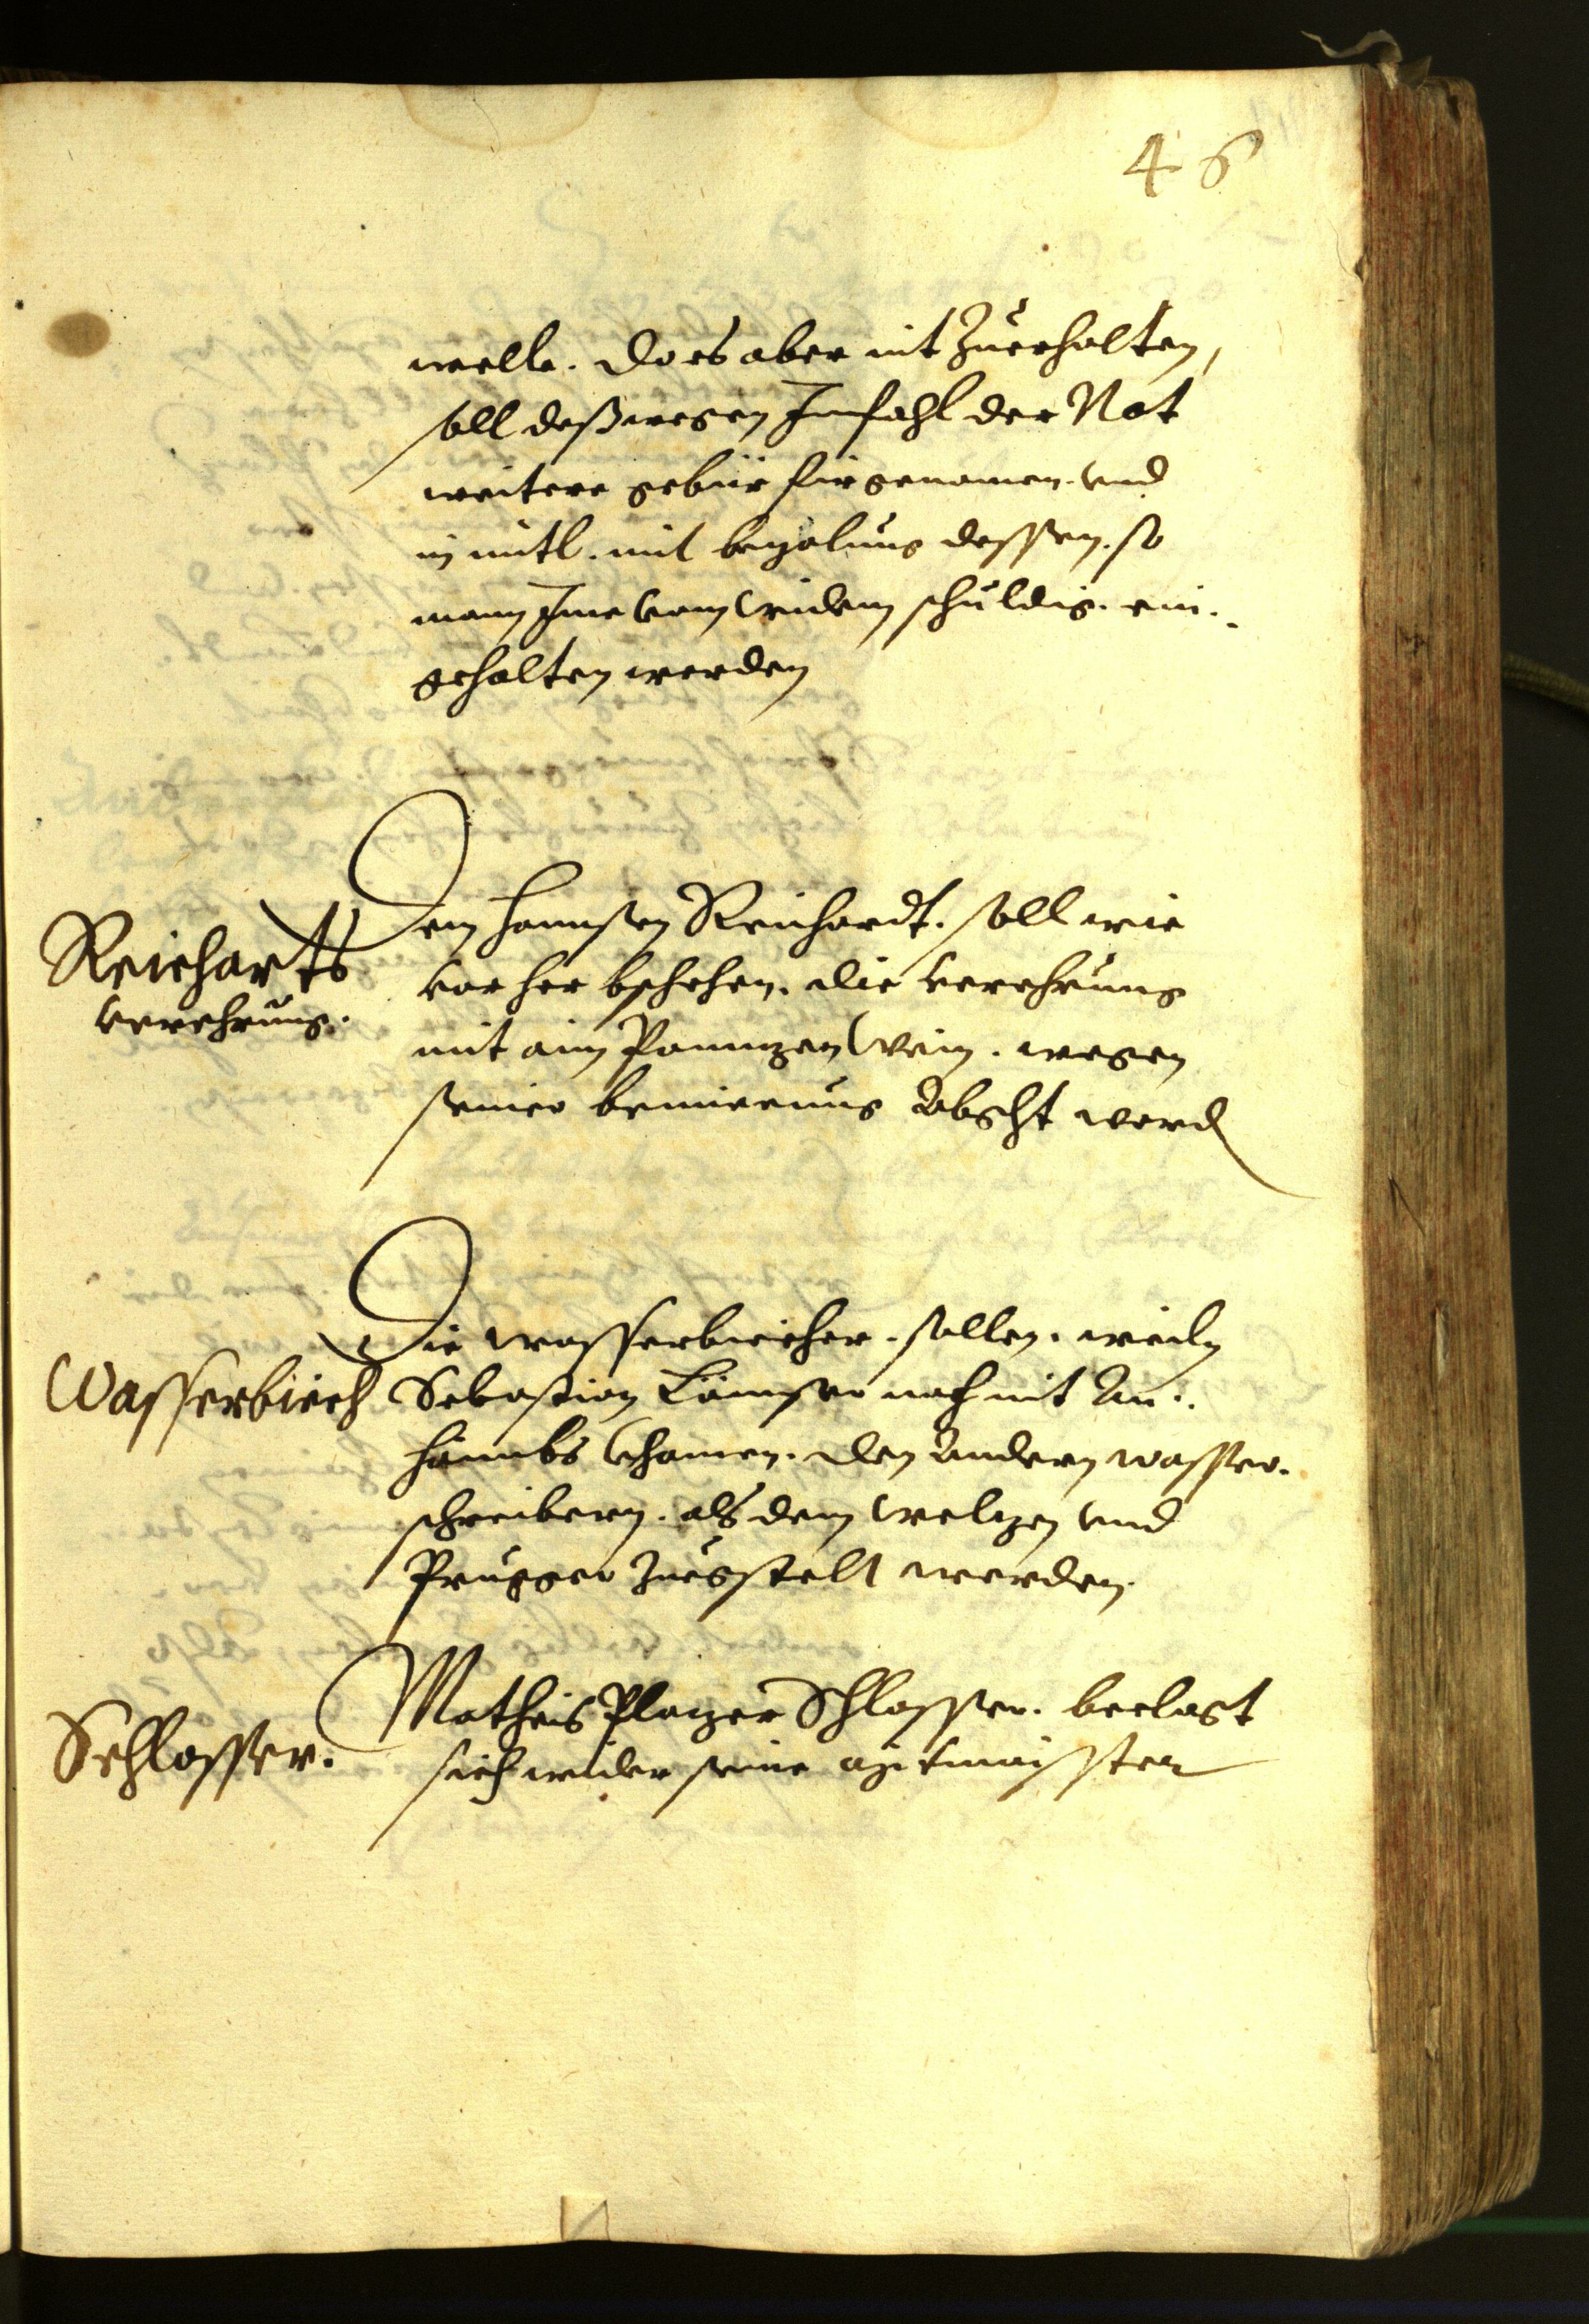46
welle. Da es aber nit Zūerhalten,
soll deßwegen Imfahl der Not
weitere gebür fir genomen. vnd
in mitl. mit bezalūng dessen. so
man Ime vom Widem schūldig. ein¬
gehalten werden
Dem hannsen Reichardt. soll wie
vor her beschehen. die verehrūng
mit aim Pannzen Wein. wegen
seiner bemieeūng Abght werd
Reicharts
verehrūng.
Die Wasserbiecher. sollen. weiln
Sebastian Lännser noch nit An¬
haimbs khomen. den Andern Wasser¬
schreibern. als dem Welzen vnd
Prūgger Zūegstelt werden.
Wasserbiech
Matheis Plazer Schlosser. beclagt
sich wider seine Mitmaisster
Schlosser.